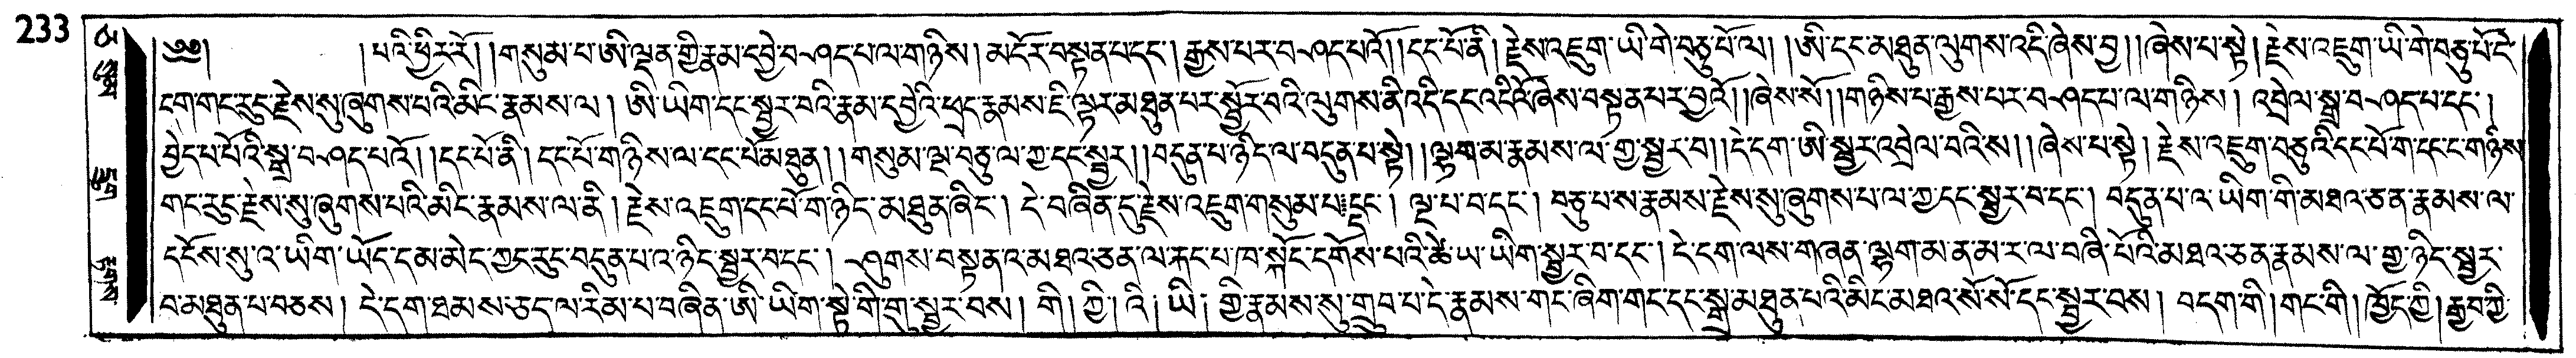༄༅། །པའི་ཕྱིར་རོ། །གསུམ་པ་ཨི་ལྡན་གྱི་རྣམ་དབྱེ་བཤད་པ་ལ་གཉིས། མངོར་བསྟན་པ་དང་། རྒྱས་པར་བཤད་པའོ། །དང་པོ་ནི། རྗེས་འཇུག་ཡི་གེ་བཅུ་པོ་ལ། །ཨི་དང་མཐུན་ལུགས་འདི་ཞེས་བྱ། །ཞེས་པ་སྟེ། རྗེས་འཇུག་ཡི་གེ་བཅུ་པོ་དེ་
དག་གང་རུང་རྗེས་སུ་ཞུགས་པའི་མིང་རྣམས་ལ། ཨི་ཡིག་དང་སྦྱར་བའི་རྣམ་དབྱེའི་ཕྲང་རྣམས་ཇི་ལྟར་མཐུན་པར་སྦྱོར་བའི་ལུགས་ནི་འདི་དང་འདིའོ་ཞེས་བསྟན་པར་བྱའོ། །ཞེས་སོ། །གཉིས་པ་རྒྱས་པར་བཤད་པ་ལ་གཉིས། འབྲེལ་སྒྲ་བཤད་པ་དང་།
བྱེད་པ་པོའི་སྒྲ་བཤད་པའོ། །དང་པོ་ནི། དང་པོ་གཉིས་ལ་དང་པོ་མཐུན། །གསུམ་ལྔ་བཅུ་ལ་ཀྱ་དང་སྦྱར། །བདུན་པ་ཉིད་ལ་བདུན་པ་སྟེ། །ལྷག་མ་རྣམས་ལ་གྱ་སྦྱར་བ། །དེ་དག་ཨི་སྦྱར་འབྲེལ་བའི་ས། །ཞེས་པ་སྟེ། རྗེས་འཇུག་བཅུའི་དང་པོ་ག་དང་ང་གཉིས་
གང་རུང་རྗེས་སུ་ཞུགས་པའི་མིང་རྣམས་ལ་ནི། རྗེས་འཇུག་དང་པོ་ག་ཉིད་མཐུན་ཞིང་། དེ་བཞིན་དུ་རྗེས་འཇུག་གསུམ་པ་དྡང་། ལྔ་པ་བ་དང་། བཅུ་པ་ས་རྣམས་རྗེས་སུ་ཞུགས་པ་ལ་ཀྱ་དང་སྦྱར་བ་དང་། བདུན་པ་འ་ཡིག་གི་མཐའ་ཅན་རྣམས་ལ་
དངོས་སུ་འ་ཡིག་ཡོད་དམ་མེད་ཀྱང་རུང་བདུན་པ་འ་ཉིད་སྦྱར་བ་དང་། ཤུགས་བསྟན་འ་མཐའ་ཅན་ལ་རྐང་པ་ཁ་སྐོང་དགོས་པའི་ཚེ་ཡ་ཡིག་སྦྱར་བ་དང་། དེ་དག་ལས་གཞན་ལྷག་མ་ན་མ་ར་ལ་བཞི་པོའི་མཐའ་ཅན་རྣམས་ལ་གྱ་ཉིད་སྦྱར་
བ་མཐུན་པ་བཅས། དེ་དག་ཐམས་ཅད་ལ་རིམ་པ་བཞིན་ཨི་ཡིག་སྟེ་གི་གུ་སྦྱར་བས། གི། ཀྱི། འི། ཡི༑ གྱི་རྣམས་སུ་གྲུབ་པ་དེ་རྣམས་གང་ཞིག་གང་དང་སྒྲ་མཐུན་པའི་མིང་མཐའ་སོ་སོ་དང་སྦྱར་བས། བདག་གི། གང་གི། ཁྱོད་ཀྱི། རྒྱབ་ཀྱི་